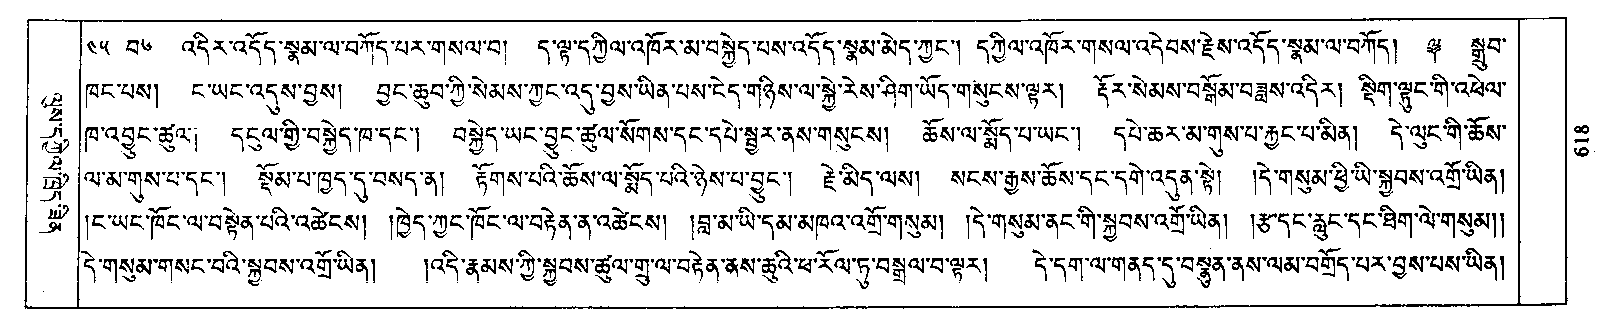༤༥་བ ༦་འདིར་འདོད་སྣམ་ལ་བཀོད་པར་གསལ་བ། ད་ལྟ་དཀྱིལ་འཁོར་མ་བསྐྱེད་པས་འདོད་སྣམ་མེད་ཀྱང་། དཀྱིལ་འཁོར་གསལ་འདེབས་རྗེས་འདོད་སྣམ་ལ་བཀོད། ༈ སྒྲུབ་
ཁང་པས། ང་ཡང་འདུས་བྱས། བྱང་ཆུབ་ཀྱི་སེམས་ཀྱང་འདུ་བྱས་ཡིན་པས་ངེད་གཉིས་ལ་སྐྱེ་རེས་ཤིག་ཡོད་གསུངས་ལྟར། རྡོར་སེམས་བསྒོམ་བཟླས་འདིར། སྡིག་ལྟུང་གི་འཕེལ་
ཁ་འབྱུང་ཚུལ། དངུལ་གྱི་བསྐྱེད་ཁ་དང་། བསྐྱེད་ཡང་བྱུང་ཚུལ་སོགས་དང་དཔེ་སྦྱར་ནས་གསུངས། ཆོས་ལ་སྨོད་པ་ཡང་། དཔེ་ཆར་མ་གུས་པ་རྐྱང་པ་མིན། དེ་ལུང་གི་ཆོས་
ལ་མ་གུས་པ་དང་། སྡོམ་པ་ཁྱད་དུ་བསད་ན། རྟོགས་པའི་ཆོས་ལ་སྨོད་པའི་ཉེས་པ་བྱུང་། རྗེ་མིད་ལས། སངས་རྒྱས་ཆོས་དང་དགེ་འདུན་སྟེ། །དེ་གསུམ་ཕྱི་ཡི་སྐྱབས་འགྲོ་ཡིན།
།ང་ཡང་ཁོང་ལ་བསྟེན་པའི་འཚེངས། །ཁྱེད་ཀྱང་ཁོང་ལ་བརྟེན་ན་འཚེངས། །བླ་མ་ཡི་དམ་མཁའ་འགྲོ་གསུམ། །དེ་གསུམ་ནང་གི་སྐྱབས་འགྲོ་ཡིན། །རྩ་དང་རླུང་དང་ཐིག་ལེ་གསུམ།།
དེ་གསུམ་གསང་བའི་སྐྱབས་འགྲོ་ཡིན། །འདི་རྣམས་ཀྱི་སྐྱབས་ཚུལ་གྲུ་ལ་བརྟེན་ནས་ཆུའི་ཕ་རོལ་ཏུ་བསྒྲལ་བ་ལྟར། དེ་དག་ལ་གནད་དུ་བསྣུན་ནས་ལམ་བགྲོད་པར་བྱས་པས་ཡིན།